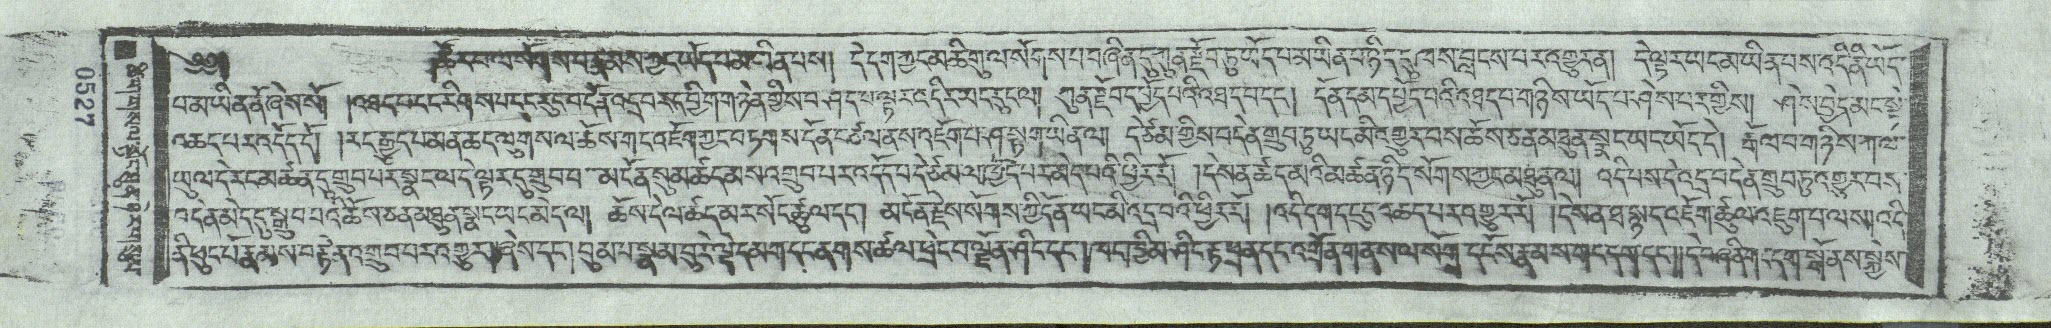༄༅། །ཚོར་བ་ལ་སོགས་པ་རྣམས་ཀྱང་ཡོད་པ་མ་ཡིན་པས། དེ་དག་ཀྱང་མཆི་གུ་ལ་སོགས་པ་བཞིན་དུ་ཀུན་རྫོབ་ཏུ་ཡོད་པ་མ་ཡིན་པ་ཉིད་དུ་ཁས་བླངས་པར་འགྱུར་ན། དེ་ལྟར་ཡང་མ་ཡིན་པས་འདི་ནི་ཡོད་
པ་མ་ཡིན་ནོ་ཞེས་སོ། །འཐད་པ་དང་རིགས་པ་དང་རུང་བ་དོན་འདྲ་བར་དབྱིག་གཉེན་གྱིས་བཤད་པ་ལྟར་འདིར་ཡང་རུང་ལ། ཀུན་རྫོབ་དཔྱོད་པའི་འཐད་པ་དང་། དོན་དམ་དཔྱོད་པའི་འཐད་པ་གཉིས་ཡོད་པ་ཤེས་པར་གྱིས། ཤེས་བྱེད་མང་སྟེ་
འཆད་པར་འདོད་དོ། །རང་རྒྱུད་པ་མན་ཆད་ལུགས་ལ་ཆོས་གང་འཇོག་ཀྱང་བཏགས་དོན་བཙལ་ནས་འཇོག་པ་ཤ་སྟག་ཡིན་ལ། དེ་ཙམ་གྱིས་བདེན་གྲུབ་ཏུ་ཡང་མི་འགྱུར་བས་ཆོས་ཅན་མཐུན་སྣང་ཡང་ཡོད་དེ། རྒོལ་བ་གཉིས་ཀ་ལ་
ཡུལ་དེ་རང་མཚན་དུ་གྲུབ་པར་སྣང་ལ་དེ་ལྟར་དུ་གྲུབ་པ་མངོན་སུམ་ཚད་མས་འགྲུབ་པར་འདོད་པ་དེ་ཙམ་ལ་ཁྱད་པར་མེད་པའི་ཕྱིར་རོ། །དེས་ན་ཚད་མའི་མཚན་ཉིད་སོགས་ཀྱང་མཐུན་ལ། འདི་པས་དེ་འདྲ་བདེན་གྲུབ་ཏུ་འགྱུར་པས་
བདེན་མེད་དུ་སྒྲུབ་པའི་ཆོས་ཅན་མཐུན་སྣང་ཡང་མེད་ལ། ཆོས་དེ་ལ་ཚད་མར་སོང་ཚུལ་དང་། མངོན་རྗེས་སོགས་ཀྱི་དོན་ཡང་མི་འདྲ་བའི་ཕྱིར་རོ། །འདི་དག་ད་དུང་འཆད་པར་འགྱུར་རོ། །དེས་ན་ཐ་སྙད་འཇོག་ཚུལ་འཇུག་པ་ལས། འདི་
ནི་ཕུང་པོ་རྣམས་བརྟེན་འགྲུབ་པར་འགྱུར། །ཞེས་དང་། བུམ་པ་སྣམ་བུ་རེ་ལྡེ་དམག་དང་ནགས་ཚལ་ཕྲེང་བ་ལྗོན་ཤིང་དང་། ཁང་ཁྱིམ་ཤིང་རྟ་ཕྲན་དང་འགྲོན་གནས་ལ་སོགས་དངོས་རྣམས་གང་དག་དང་། དེ་བཞིན་གང་དག་སྒོ་ནས་སྐྱེས་